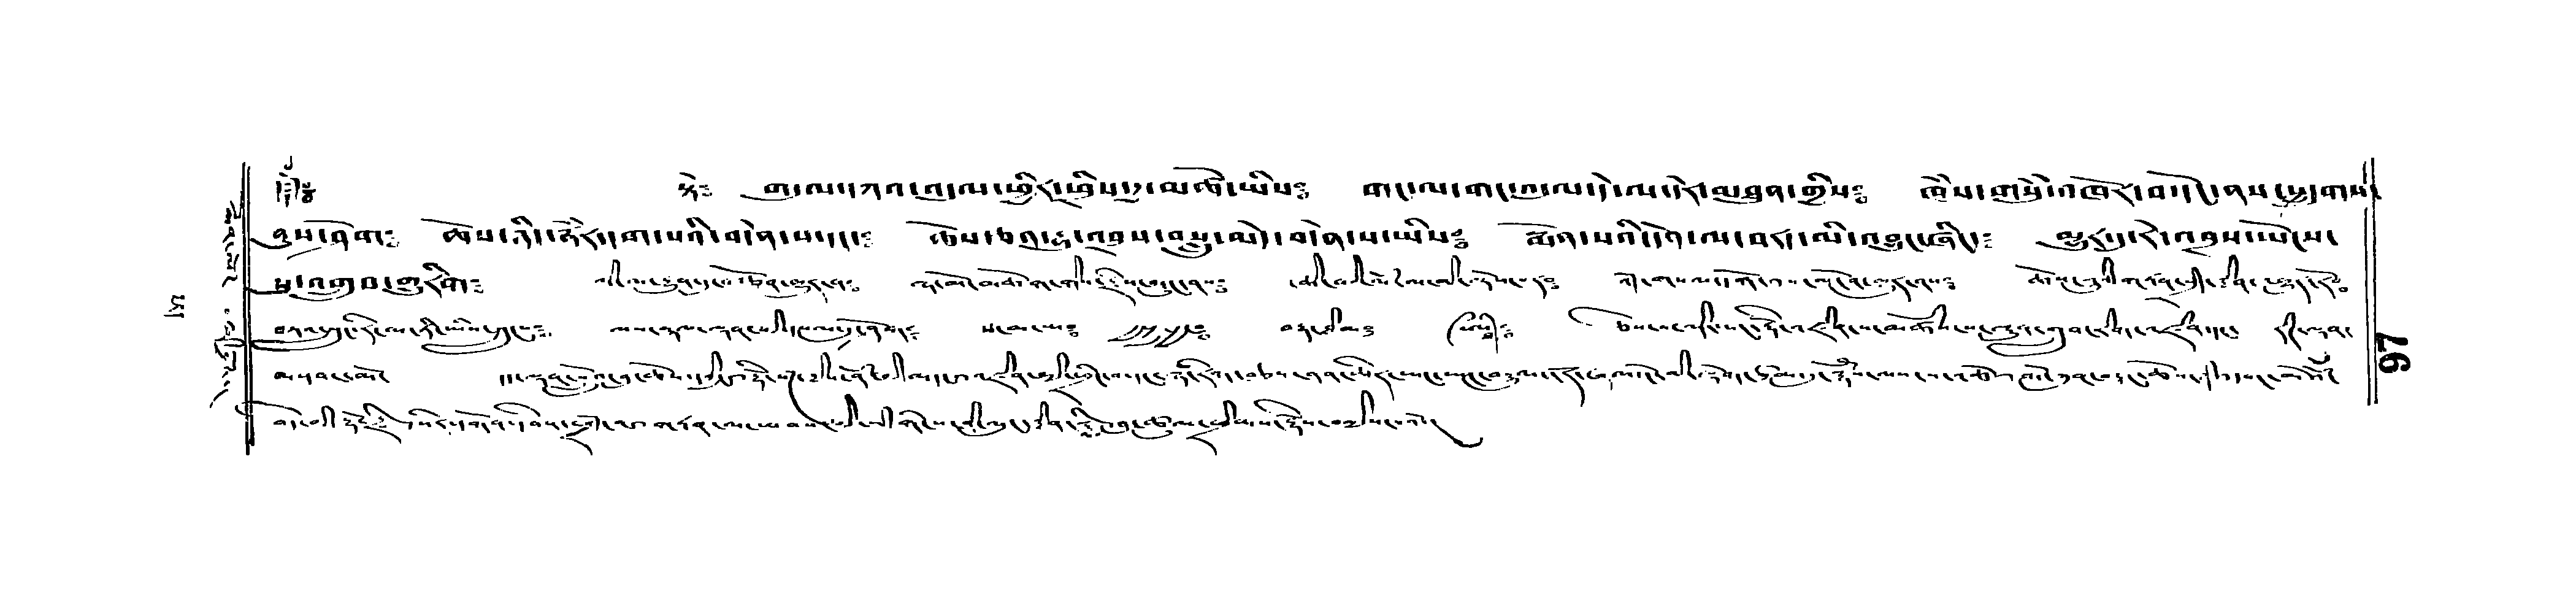སྟེ༔ གདུལ་དཀའ་འདུལ་ཕྱིར་ཕྲིན་ལས་རྒྱ་མཚོ་ཡིས༔ གང་ལ་གང་འདུལ་དེ་ལ་དེར་མཐུན་གྱིས༔ ཁམས་གསུམ་འཁོར་བ་དོང་ནས་སྤྲུགས་
ནུས་ཤོག༔ ཆོས་ཉིད་རྣམ་པར་དག་པའི་བདེན་པ་དང༔ ཆོས་ཅན་རྒྱུ་འབྲས་བསླུ་མེད་བདེན་པ་ཡིས༔ སྨོན་པའི་དོན་ལ་བར་ཆད་མི་འབྱུང་ཞིང༔ མྱུར་དུ་རེ་འབྲས་ཡོངས་
སུ་འགྲུབ་གྱུར་ཅིག༔ འདི་ལ་རྒྱུན་དུ་བརྩོན་གྱུར་ན༔ ལྷ་མོ་མཆོག་གིས་རྗེས་བཟུང་ནས༔ འཆི་བའི་ལམ་མ་མི་ལྟོས་པར༔ འོད་གསལ་དགོངས་པ་མངོན་གྱུར་ནས༔ ཆོས་སྐུའི་གཏན་སྲིད་ཟིན་འགྱུར་རོ༔ 
བཀའ་སྲུང་རེ་མ་ཏི་ཡེིས་སྲུངས༔ ལས་སྐལ་ལྡན་པའི་དཔལ་དུ་ཤོག༔ ས་མ་ཡ༔ རྒྱ་རྒྱ་རྒྱ༔ བརྡ་ཐིམ༔ ༔ ཅེས་པ་འདི་ཡང་རྡོ་རྗེ་འཛིན་པ་མཚམས་པ་ལྷུན་གྲུབ་རིག་འཛིན་དང་། རིགས་ལྡན་
མ་དབང་མོ། དད་ལྡན་སློབ་བུ་ཆོས་དབྱིངས་རྡོ་རྗེ་སོགས་ཀྱིས་ནམ་མཁའི་མདངས་འཛིན་གྱི་ཕྲེང་བ་དང་ལྷ་རིེག་བཅས་ནན་ཆེར་ཡང་ཡང་བསྐུལ་ངོར་ཞལ་ངོ་མི་ལྡོག་ཙམ་དུ་སྙོམ་ལས་པ་འཆོལ་མོ་ཀུན་བཟང་ཆོས་ཉིད་དབང་མོའམ་
བདེ་བའི་རྡོ་རྗེས་སེར་དགོན་དབེན་ཕྲོད་ནས་གཏན་ལ་ཕབས་པའི་ཡི་གེ་པ་ནི་ལུང་ཟིན་སྐྱེས་བུ་ཚུལ་ཁྲིམས་རྡོ་རྗེས་བགྱིས་པའོ།།